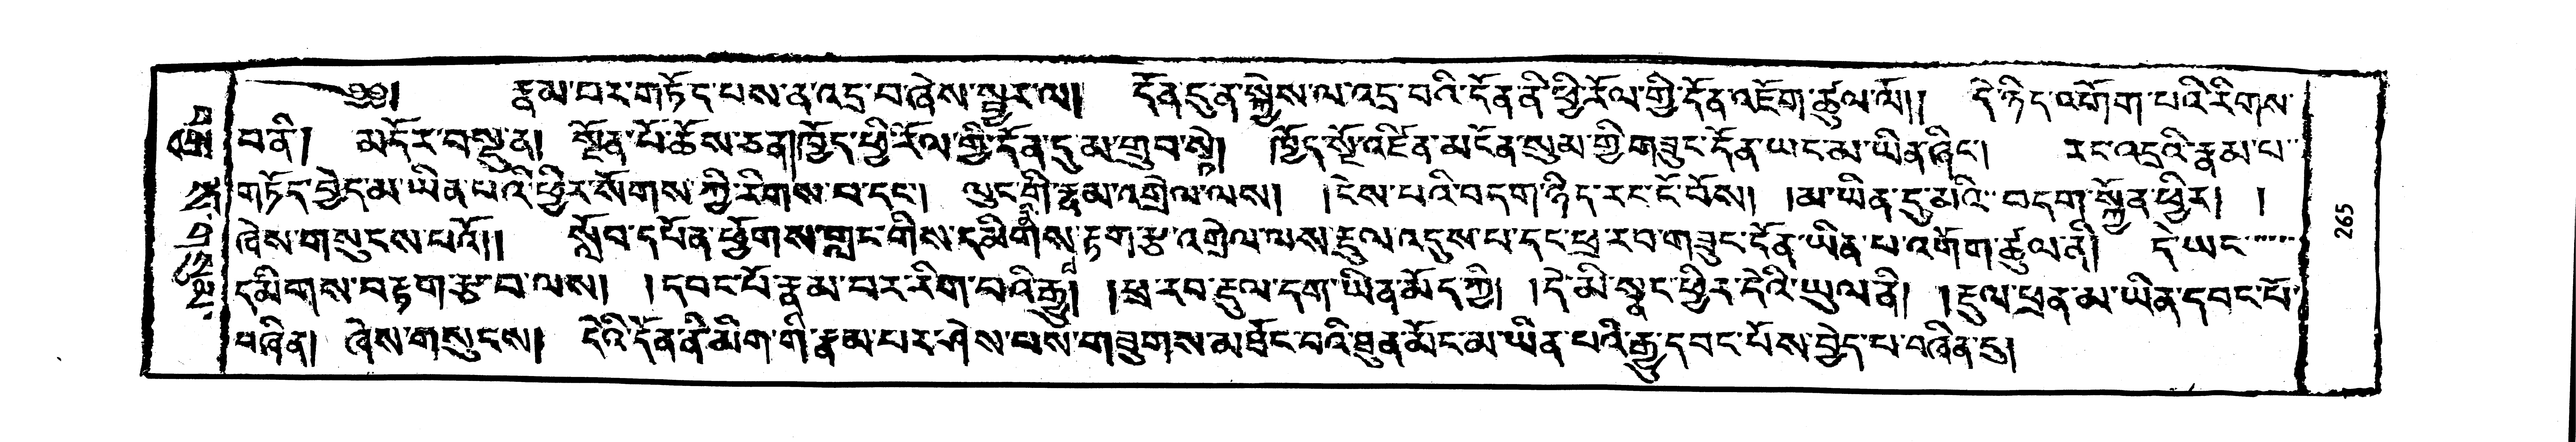༄༅། །རྣམ་པར་གཏོད་པས་ན་འདྲ་བ་ཞེས་སྦྱར་ལ། དོན་དུ་ན་སྐྱེས་ལ་འདྲ་བའི་དོན་ནི་ཕྱི་རོལ་གྱི་དོན་འཇོག་ཚུལ་ལོ། །དེ་ཉིད་འགོག་པའི་རིགས་
བ་ནི། མདོར་བསྡུ་ན། སྔོན་པོ་ཆོས་ཅན། ཁྱོད་ཕྱི་རོལ་གྱི་དོན་དུ་མ་གྲུབ་སྟེ། ཁྱོད་སྔོ་འཛིན་མངོན་སུམ་གྱི་གཟུང་དོན་ཡང་མ་ཡིན་ཞིང་། རང་འདྲའི་རྣམ་པ་
གཏོད་བྱེད་མ་ཡིན་པའི་ཕྱིར་སོགས་ཀྱི་རིགས་པ་དང་། ལུང་གི་རྣམ་འགྲེལ་ལས། །ངེས་པའི་བདག་ཉིད་རང་ངོ་བོས། །མ་ཡིན་དུ་མའི་བདག་སྐྱོན་ཕྱིར། །
ཞེས་གསུངས་པའོ། །སློབ་དཔོན་ཕྱོགས་གླང་གིས་དམིགས་པ་རྟག་རྩ་འགྲེལ་ལས་རྡུལ་འདུས་པ་དང་ཕྲ་རབ་གཟུང་དོན་ཡིན་པ་འགོག་ཚུལ་ནི། དེ་ཡང་
དམིགས་བརྟག་རྩ་བ་ལས། །དབང་པོ་རྣམ་པར་རིག་པའི་རྒྱུ། །ཕྲ་རབ་རྡུལ་དག་ཡིན་མོད་ཀྱི། །དེ་མི་སྣང་ཕྱིར་དེའི་ཡུལ་ནི། །རྡུལ་ཕྲན་མ་ཡིན་དབང་པོ་
བཞིན། ཞེས་གསུངས། དེའི་དོན་ནི་མིག་གི་རྣམ་པར་ཤེས་པས་གཟུགས་མཐོང་བའི་ཐུན་མོང་མ་ཡིན་པའི་རྒྱུ་དབང་པོས་བྱེད་པ་བཞིན་དུ།